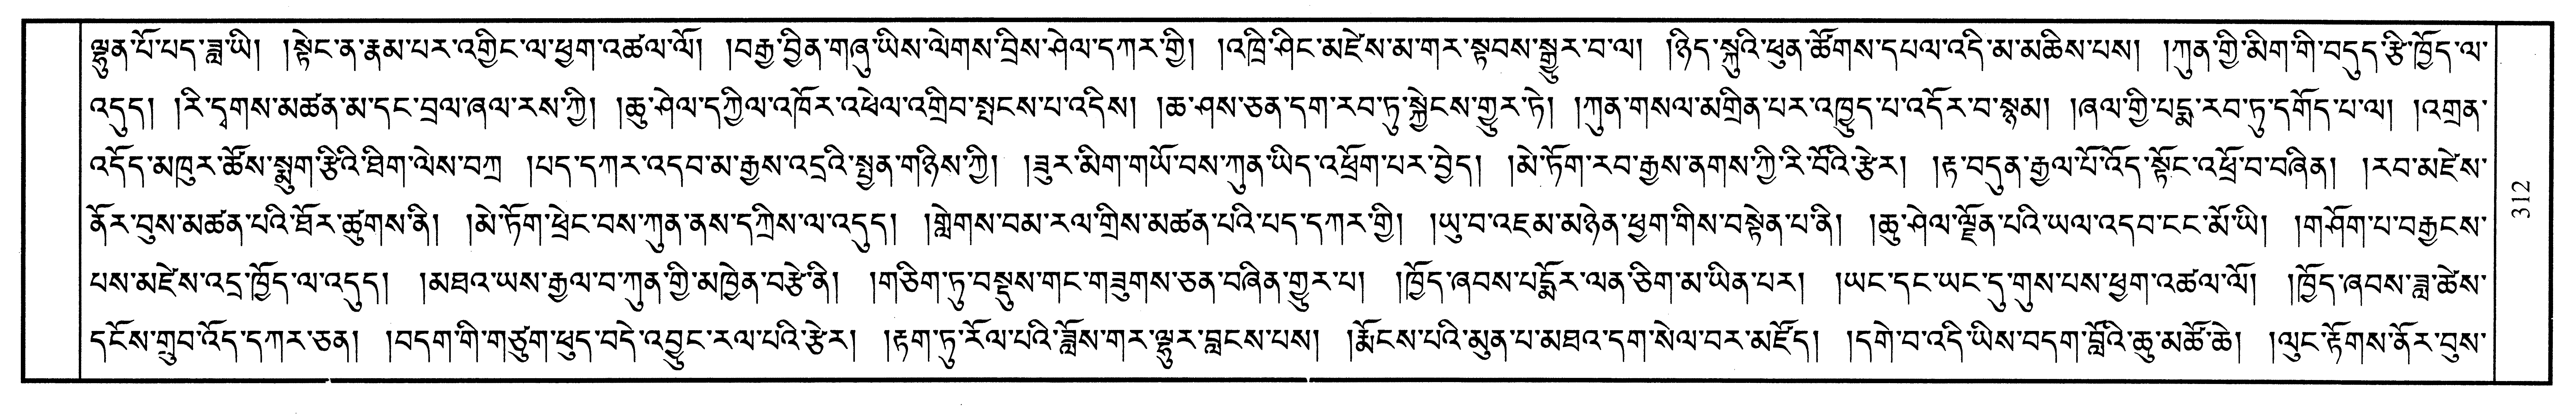ལྷུན་པོ་པད་ཟླ་ཡི། །སྟེང་ན་རྣམ་པར་འགྱིང་ལ་ཕྱག་འཚལ་ལོ། །བརྒྱ་བྱིན་གཞུ་ཡིས་ལེགས་བྲིས་ཤེལ་དཀར་གྱི། །འཁྲི་ཤིང་མཛེས་མ་གར་སྟབས་སྒྱུར་བ་ལ། །ཉིད་སྐུའི་ཕུན་ཚོགས་དཔལ་འདི་མ་མཆིས་པས། །ཀུན་གྱི་མིག་གི་བདུད་རྩི་ཁྱོད་ལ་
འདུད། །རི་དྭགས་མཚན་མ་དང་བྲལ་ཞལ་རས་ཀྱི། །ཆུ་ཤེལ་དཀྱིལ་འཁོར་འཕེལ་འགྲིབ་སྤངས་པ་འདིས། །ཆ་ཤས་ཅན་དག་རབ་ཏུ་སྐྱེངས་གྱུར་ཏེ། །ཀུན་གསལ་མགྲིན་པར་འཁྱུད་པ་འདོར་བ་སྙམ། །ཞལ་གྱི་པདམ་རབ་ཏུ་དགོད་པ་ལ། །འགྲན་
འདོད་མཁུར་ཚོས་སྨུག་རྩིའི་ཐིག་ལེས་བཀྲ། །པད་དཀར་འདབ་མ་རྒྱས་འདྲའི་སྤྱན་གཉིས་ཀྱི། །ཟུར་མིག་གཡོ་བས་ཀུན་ཡིད་འཕྲོག་པར་བྱེད། །མེ་ཏོག་རབ་རྒྱས་ནགས་ཀྱི་རི་བོའི་རྩེར། །རྟ་བདུན་རྒྱལ་པོ་འོད་སྟོང་འཕྲོ་བ་བཞིན། །རབ་མཛེས་
ནོར་བུས་མཚན་པའི་ཐོར་ཚུགས་ནི། །མེ་ཏོག་ཕྲེང་བས་ཀུན་ནས་དཀྲིས་ལ་འདུད། །གླེགས་བམ་རལ་གྲིས་མཚན་པའི་པད་དཀར་གྱི། །ཡུ་བ་འཇམ་མཉེན་ཕྱག་གིས་བསྟེན་པ་ནི། །ཆུ་ཤེལ་ལྗོན་པའི་ཡལ་འདབ་དང་མོ་ཡི། །གཤོག་པ་བརྒྱངས་
པས་མཛེས་འདྲ་ཁྱོད་ལ་འདུད། །མཐའ་ཡས་རྒྱལ་བ་ཀུན་གྱི་མཁྱེན་བརྩེ་ནི། །གཅིག་ཏུ་བསྡུས་གང་གཟུགས་ཅན་བཞིན་གྱུར་པ། །ཁྱོད་ཞབས་པདམོར་ལན་ཅིག་མ་ཡིན་པར། །ཡང་དང་ཡང་དུ་གུས་པས་ཕྱག་འཚལ་ལོ། །ཁྱོད་ཞབས་ཟླ་ཚེས་
དངོས་གྲུབ་འོད་དཀར་ཅན། །བདག་གི་གཙུག་ཕུད་བདེ་འབྱུང་རལ་པའི་རྩེར། །རྟག་ཏུ་རོལ་པའི་ཟློས་གར་ལྷུར་བླངས་པས། །རྨོངས་པའི་མུན་པ་མཐའ་དག་སེལ་བར་མཛོད། །དགེ་བ་འདི་ཡིས་བདག་བློའི་ཆུ་མཚོ་ཆེ། །ལུང་རྟོགས་ནོར་བུས་